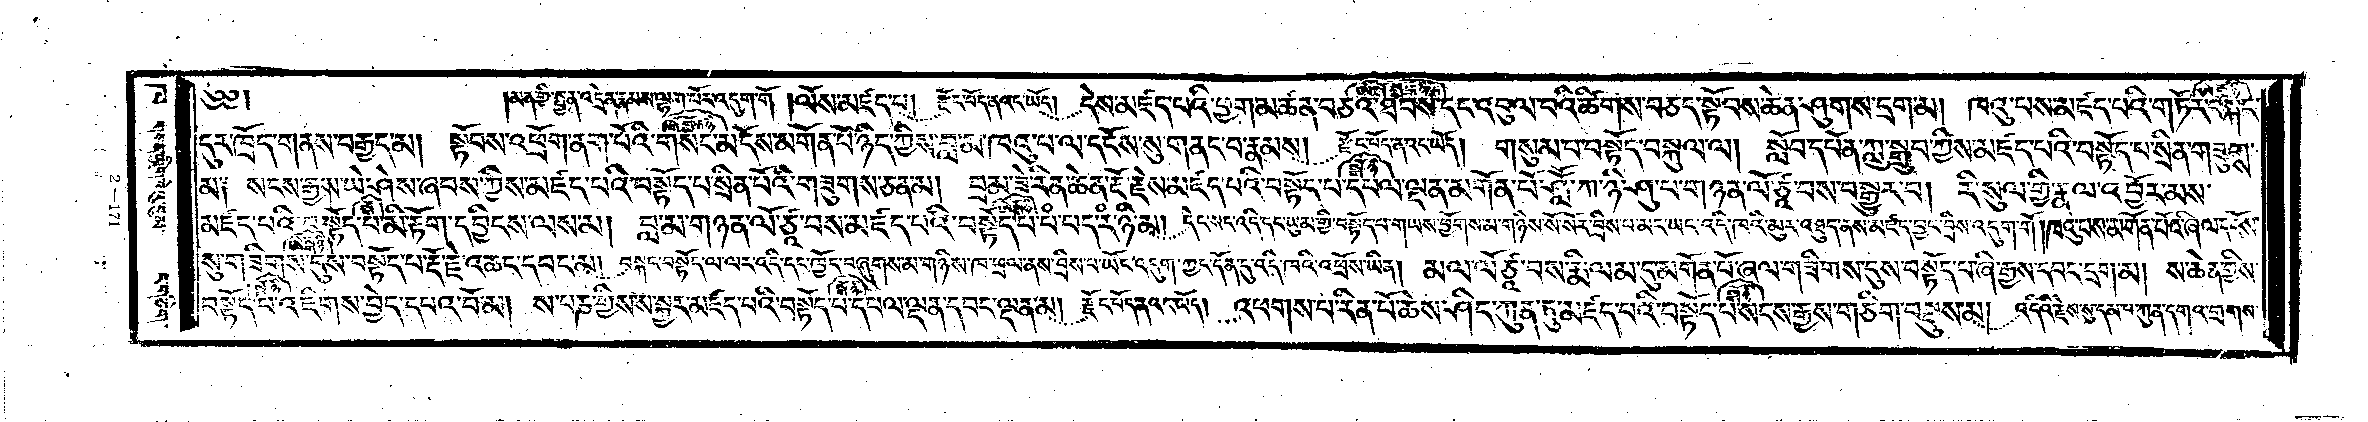༄༅། །མན་གྱི་སྤྱན་འདྲེན་རྣམས་ལྷག་པོར་འདུག་གོ་།ལོས་མཛད་པ། རྫོང་བོད་ནའང་ཡོད།  དེས་མཛད་པའི་ཕྱག་མཚན་བཅའ་ཐབས་དང་འབུལ་བའི་ཚིགས་བཅད་སྟོབས་ཆེན་ཤུགས་དྲག་མ། ཁའུ་པས་མཛད་པའི་གཏོར་བསྐང་
དུར་ཁྲོད་གནས་བརྒྱད་མ། སྟོབས་འཕྲོག་ནག་པོའི་གསང་མདོས་མགོན་པོ་ཉིད་ཀྱིས་བླ་མ་ཁའུ་པ་ལ་དངོས་སུ་གནང་བ་རྣམས། རྫོང་བོད་ནའང་ཡོད།  གསུམ་པ་བསྟོད་བསྐུལ་ལ། སློབ་དཔོན་ཀླུ་སྒྲུབ་ཀྱིས་མཛད་པའི་བསྟོད་པ་སྲིན་གཟུགས་
མ༑ སངས་རྒྱས་ཡེ་ཤེས་ཞབས་ཀྱིས་མཛད་པའི་བསྟོད་པ་སྲིན་པོའི་གཟུགས་ཅན་མ། བྲམ་ཟེ་རིན་ཆེན་རྡོ་རྗེས་མཛད་པའི་བསྟོད་པ་དཔལ་ལྡན་མགོན་པོ་ཤླཽ་ཀ་ཉི་ཤུ་ཕ་གཉན་ལོ་ཙཱ་པས་བསྒྱུར་བ། རི་སུལ་གྱི་རྣལ་འབྱོར་མས་
མཛད་པའི་བསྟོད་པ་མི་རྟོག་དབྱིངས་ལས་མ། བླ་མ་གཉན་ལོ་ཙཱ་བས་མཛད་པའི་བསྟོད་པ་པཾ་པད་རཾ་ཉི་མ། དེང་སང་འདི་དང་ཡུམ་གྱི་བསྟོད་པ་གཡས་ཕྱོགས་མ་གཉིས་སོ་སོར་བྲིས་པ་མང་ཡང་འདི་ཁའི་མུར་འཐུད་ནས་མཛད་བྱང་བྲིས་འདུག་གོ །  ཁའུ་པས་མགོན་པོའི་ཞིལ་དངོས་
སུ་གཟིགས་དུས་བསྟོད་པ་རྡོ་རྗེ་འཆང་དབང་མ། བསྐང་བསྟོད་ལ་ལར་འདི་དང་ཁྱོད་བཞུགས་མ་གཉིས་ཁ་ཕྲལ་ནས་བྲིས་པ་ཡོང་འདུག་ཀྱང་དོན་དུ་འདི་ཁའི་འཕྲོས་ཡིན།  མལ་ལོ་ཙཱ་བས་རྨི་ལམ་མ་དུ་མགོན་པོ་ཞལ་གཟིགས་དུས་བསྟོད་པ་ཞི་རྒྱས་དབང་དྲག་མ། ས་ཆེན་གྱིས་
བསྟོད་པ་འཇིགས་བྱེད་དཔའ་བོ་མ། ས་པཎ་གྱིས་ས་སྐྱར་མཛད་པའི་བསྟོད་པ་དཔལ་ལྡན་དབང་ལྡན་མ། རྫོང་པོད་ནའང་ཡོད།  འཕགས་པ་རིན་པོ་ཆེས་ཤིང་ཀུན་ཏུ་མཛད་པའི་བསྟོད་པ་སངས་རྒྱས་གཅིག་བསྡུས་མ། འདིའི་རྗེས་སུ་དམ་པ་ཀུན་དགའ་བྲགས་